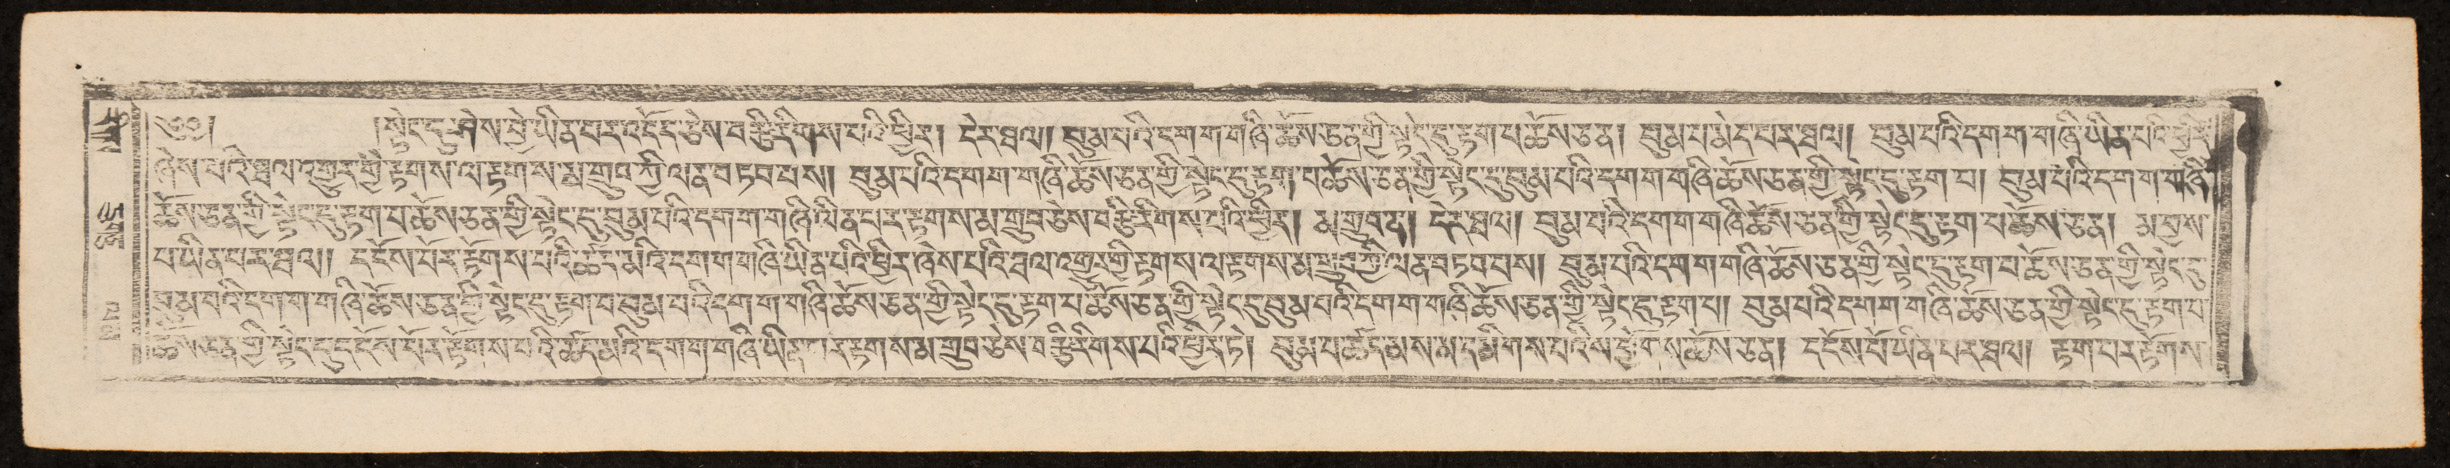༄༅། །སྟེང་དུ་ཤེས་བྱ་ཡིན་པར་འདོད་ཅེས་བརྩི་རིགས་པའི་ཕྱིར། དེར་ཐལ། བུམ་པའི་དགག་གཞི་ཆོས་ཅན་གྱི་སྟེང་དུ་རྟག་པ་ཆོས་ཅན། བུམ་པ་མེད་པར་ཐལ། བུམ་པའི་དགག་གཞི་ཡིན་པའི་ཕྱིར།
ཞེས་པའི་ཐལ་འགྱུར་གྱི་རྟགས་ལ་རྟགས་མ་གྲུབ་ཀྱི་ལན་བཏབ་པས། བུམ་པའི་དགག་གཞི་ཆོས་ཅན་གྱི་སྟེང་དུ་རྟག་པ་ཆོས་ཅན་གྱི་སྟེང་དུ་བུམ་པའི་དགག་གཞི་ཆོས་ཅན་གྱི་སྟེང་དུ་རྟག་པ། བུམ་པའི་དགག་གཞི་
ཆོས་ཅན་གྱི་སྟེང་དུ་རྟག་པ་ཆོས་ཅན་གྱི་སྟེང་དུ་བུམ་པའི་དགག་གཞི་ཡིན་པར་རྟགས་མ་གྲུབ་ཅེས་བརྩི་རིགས་པའི་ཕྱིར། མ་གྲུབ་ན། དེར་ཐལ། བུམ་པའི་དགག་གཞི་ཆོས་ཅན་གྱི་སྟེང་དུ་རྟག་པ་ཆོས་ཅན། མ་བྱས་
པ་ཡིན་པར་ཐལ། དངོས་པོར་རྟོགས་པའི་ཚད་མའི་དགག་གཞི་ཡིན་པའི་ཕྱིར་ཞེས་པའི་ཐལ་འགྱུར་གྱི་རྟགས་ལ་རྟགས་མ་གྲུབ་ཀྱི་ལན་བཏབ་པས། བུམ་པའི་དགག་གཞི་ཆོས་ཅན་གྱི་སྟེང་དུ་རྟག་པ་ཆོས་ཅན་གྱི་སྟེང་དུ་
བུམ་པའི་དགག་གཞི་ཆོས་ཅན་གྱི་སྟེང་དུ་རྟག་པ་བུམ་པའི་དགག་གཞི་ཆོས་ཅན་གྱི་སྟེང་དུ་རྟག་པ་ཆོས་ཅན་གྱི་སྟེང་དུ་བུམ་པའི་དགག་གཞི་ཆོས་ཅན་གྱི་སྟེང་དུ་རྟག་པ། བུམ་པའི་དགག་གཞི་ཆོས་ཅན་གྱི་སྟེང་དུ་རྟག་པ་
ཆོས་ཅན་གྱི་སྟེང་དུ་དངོས་པོར་རྟོགས་པའི་ཚད་མའི་དགག་གཞི་ཡིན་པར་རྟགས་མ་གྲུབ་ཅེས་བརྩི་རིགས་པའི་ཕྱིར་ཏེ། བུམ་པ་ཚད་མས་མ་དམིགས་པའི་ས་ཕྱོགས་ཆོས་ཅན། དངོས་པོ་ཡིན་པར་ཐལ། རྟག་པར་རྟོགས་